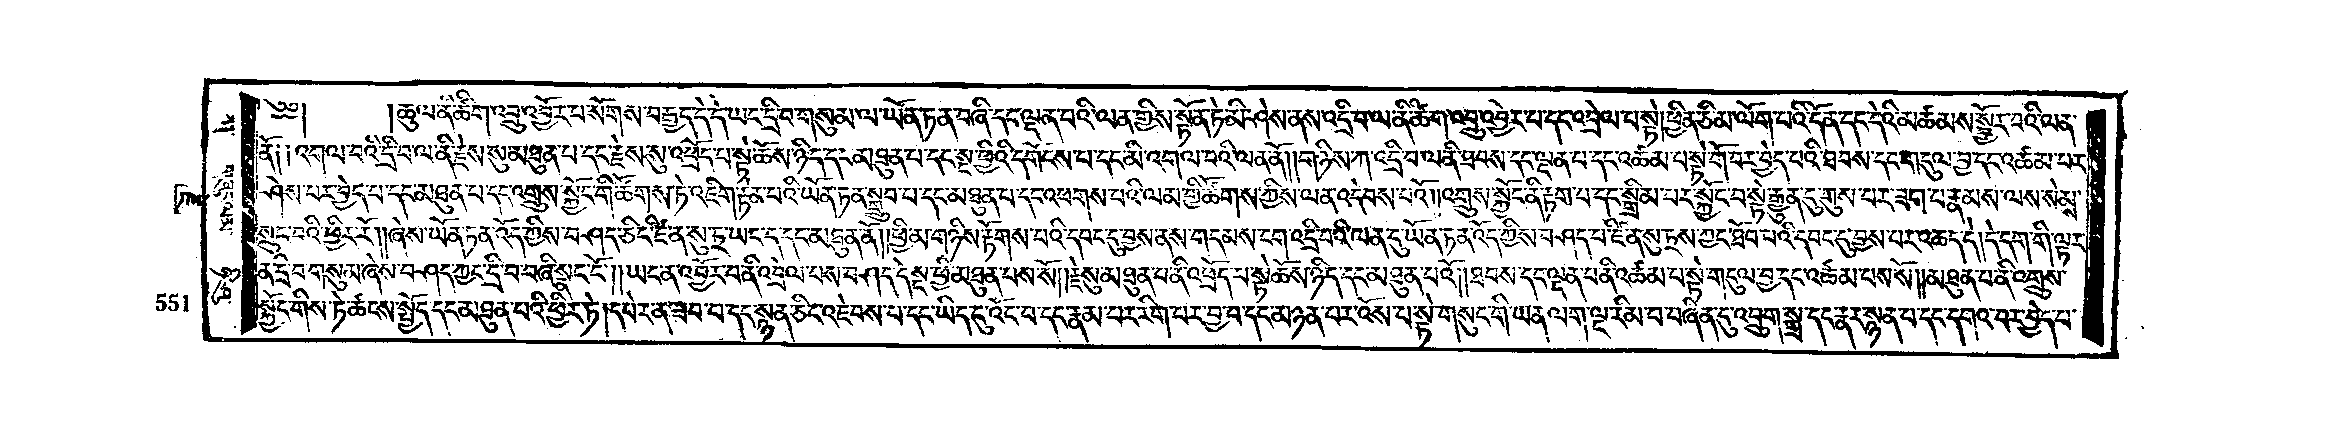༄༅། །ཆུལ་ནི་ཚིག་འབྲུ་འབྱོར་པ་སོགས་བརྒྱད་དེ་དེ་ཡང་དྲི་བ་གསུམ་ལ་ཡོན་ཏན་བཞི་དང་ལྡན་པའི་ལན་གྱིས་སྟོན་ཏེ་མི་ཤེས་ནས་འདྲི་བ་ལ་ནི་ཚིག་འབྲུ་འབྱེར་པ་དང་འབྲེལ་པ་སྟེ། ཕྱིན་ཅི་མ་ལོག་པའི་དོན་དང་དེའི་མཚམས་སྦྱོར་བའི་ལན་
ནོ༑ ༑འགལ་བའི་དྲི་བ་ལ་ནི་རྗེས་སུ་མཐུན་པ་དང་རྗེས་སུ་འཕྲོད་པ་སྟེ་ཆོས་ཉིད་དང་མཐུན་པ་དང་སྔ་ཕྱིའི་དགོངས་པ་དང་མི་འགལ་བའི་ལན་ནོ། །གཉིས་ཀ་འདྲི་བ་ལ་ནི་ཐབས་དང་ལྡན་པ་དང་འཚམ་པ་སྟེ་གོ་བར་བྱེད་པའི་ཐབས་དང་གདུལ་བྱ་དང་འཚམ་པར་
ཤེས་པར་བྱེད་པ་དང་མཐུན་པ་དང་འགྲུས་སྐྱོང་གི་ཚོགས་ཏེ་འཇིག་རྟེན་པའི་ཡོན་ཏན་སྒྲུབ་པ་དང་མཐུན་པ་དང་འཕགས་པའི་ལམ་གྱི་ཚོགས་ཀྱིས་ལན་འདེབས་པའོ། །འགྲུས་སྐྱོང་ནི་རྟག་པ་དང་སྒྲིམ་པར་སྐྱོང་བ་སྟེ་རྒྱུན་དུ་གུས་པར་ཟག་པ་རྣམས་ལས་སེམས་
སྲུང་བའི་ཕྱིར་རོ། །ཞེས་ཡོན་ཏན་འོད་ཀྱིས་བཤད་ཅིང་ཛི་ན་སུ་ཏྲ་ཡང་ད་དང་མཐུན་ནོ། །ཕྱི་མ་གཉིས་རྟོགས་པའི་དབང་དུ་བྱས་ནས་གདམས་ངག་འདྲི་བའི་ལན་དུ་ཡོན་ཏན་འོད་ཀྱིས་བཤད་པ་ཛི་ན་སུ་ཏྲས་ཀྱང་ཐོབ་པའི་དབང་དུ་བྱས་པར་འཆད་དེ། དེ་དག་གི་ལྟར་
ན་དྲི་བ་གསུམ་ཞེས་བཤད་ཀྱང་དྲི་བ་བཞི་སྣང་ངོ། །ཡང་ན་འབྱོར་བ་ནི་འབྲེལ་པས་བཤད་དེ་སྔ་ཕྱི་མཐུན་པས་སོ། །རྗེས་སུ་མཐུན་པ་ནི་འཕྲོད་པ་སྟེ་ཆོས་ཉིད་དང་མཐུན་པའོ། །ཐབས་དང་ལྡན་པ་ནི་འཚམ་པ་སྟེ་གདུལ་བྱ་དང་འཚམ་པས་སོ། །མཐུན་པ་ནི་འགྲུས་
སྐྱོང་གིས་ཏེ་ཚངས་སྤྱོད་དང་མཐུན་པའི་ཕྱིར་ཏེ། དཔེར་ན་ཟབ་པ་དང་སྙན་ཅིང་འཇེབས་པ་དང་ཡིད་དུ་འོང་བ་དང་རྣམ་པར་རིག་པར་བྱ་བ་དང་མཉན་པར་འོས་པ་སྟེ་གསུང་གི་ཡན་ལག་ལྔ་རིམ་པ་བཞིན་དུ་འབྲུག་སྒྲ་དང་རྣར་སྙན་པ་དང་དགའ་བར་བྱེད་པ་